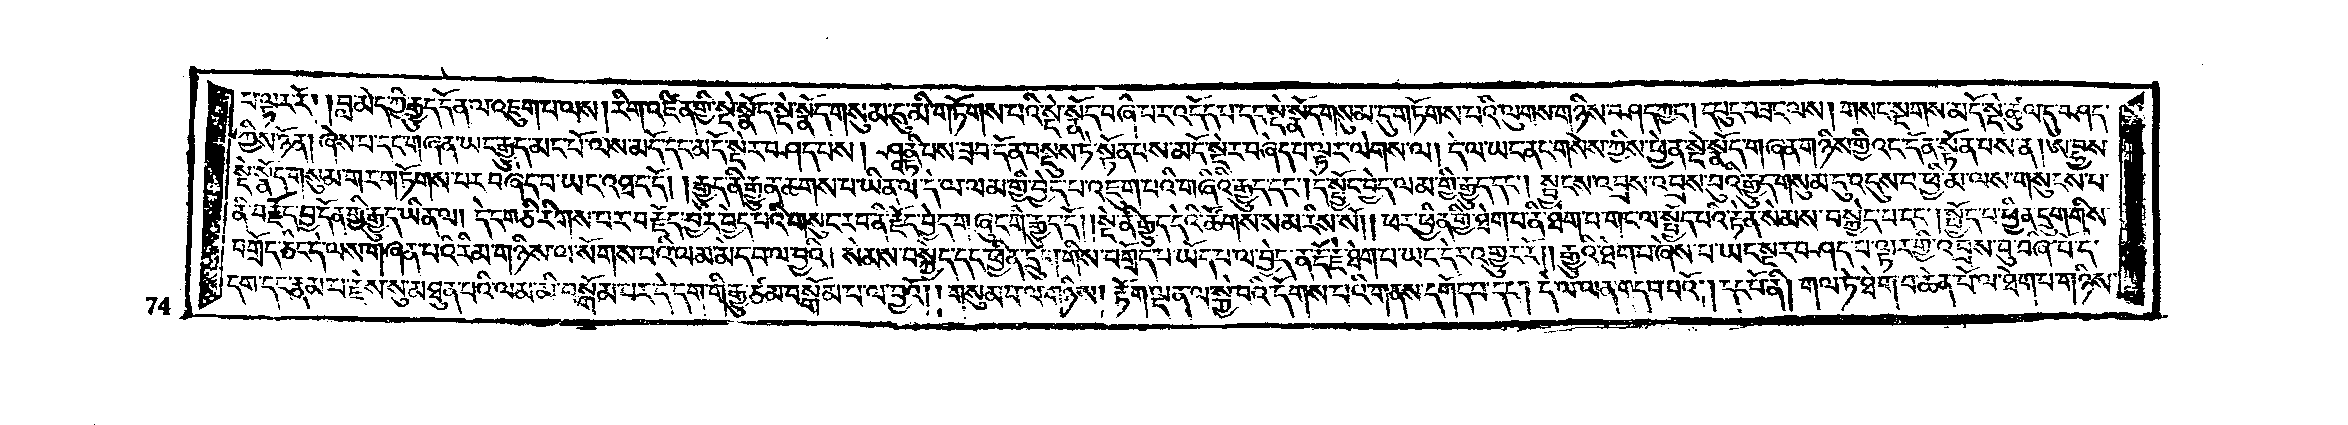པ་ལྟར་རོ། །བླ་མེད་ཀྱི་རྒྱུད་དོན་ལ་འཇུག་པ་ལས། རིག་འཛིན་གྱི་སྡེ་སྣོད་སྡེ་སྣོད་གསུམ་དུ་མི་གཏོགས་པའི་སྡེ་སྣོད་བཞི་པར་འདོད་པ་དང་སྡེ་སྣོད་གསུམ་དུ་གཏོགས་པའི་ལུགས་གཉིས་བཤད་ཀྱང་། དཔུང་བཟང་ལས། གསང་སྔགས་མདོ་སྡེ་ཚུལ་དུ་བཤད་
ཀྱིས་ཉོན། ཞེས་པ་དང་གཞན་ཡང་རྒྱུད་མང་པོ་ལས་མདོ་དང་མདོ་སྡེར་བཤད་པས། ཤཱནྟི་པས་ཟབ་དོན་བསྡུས་ཏེ་སྟོན་པས་མདོ་སྡེར་བཞེད་པ་ལྟར་ལེགས་ལ། དེ་ལ་ཡང་ནང་གསེས་ཀྱིས་ཕྱེ་ན་སྡེ་སྣོད་གཞན་གཉིས་ཀྱིའང་དོན་སྟོན་པས་ན། ཨ་བྷྱས་
སྡེ་སྣོད་གསུམ་གར་གཏོགས་པར་བཞེད་པ་ཡང་འཐད་དོ། །རྒྱུད་ནི་རྒྱུན་ཆགས་པ་ཡིན་ལ་དེ་ལ་ལམ་གྱི་བྱེད་པ་འཇུག་པའི་གཞིའི་རྒྱུད་དང་། དེ་སྦྱོང་བྱེད་ལམ་གྱི་རྒྱུད་དང་། སྦྱངས་འབྲས་འབྲས་བུའི་རྒྱུད་གསུམ་དུ་འདུས་པ་ཕྱི་མ་ལས་གསུངས་པ་
ནི་བརྗོད་བྱ་དོན་གྱི་རྒྱུད་ཡིན་ལ། དེ་དག་ཅི་རིགས་པར་བརྗོད་བྱར་བྱེད་པའི་གསུང་རབ་ནི་རྗོད་བྱེད་གཞུང་གི་རྒྱུད་དོ། །སྡེ་ནི་རྒྱུད་དེའི་ཚོགས་སམ་རིས་སོ། །ཕར་ཕྱིན་གྱི་ཐེག་པ་ནི་ཐེག་པ་གང་ལ་སྤྱོད་པའི་རྟེན་སེམས་བསྐྱེད་པ་དང་། སྤྱོད་པ་ཕྱིན་དྲུག་གིས་
བགྲེད་ཅིང་དེ་ལས་གཞན་པའི་རིམ་གཉིས་ལ་སོགས་པའི་ལམ་མེད་པ་ལ་བྱའི། སེམས་བསྐྱེད་དང་ཕྱིན་དྲུག་གིས་བགྲོད་པ་ཡོད་པ་ལ་བྱེད་ན་རྡོ་རྗེ་ཐེག་པ་ཡང་དེར་འགྱུར་རོ། །རྒྱུའི་ཐེག་པ་ཞེས་པ་ཡང་སྔར་བཤད་པ་ལྟར་གྱི་འབྲས་བུ་བཞི་པོ་དེ་
དག་དང་རྣམ་པ་རྗེས་སུ་མཐུན་པའི་ལམ་མི་བསྒོམ་པར་དེ་དག་གི་རྒྱུ་ཙམ་བསྒོམ་པ་ལ་བྱའོ། །གསུམ་པ་ལ་གཉིས། རྟོག་ལྡན་ལ་སྐྱེ་བའི་དོགས་པའི་གནས་དགོད་པ་དང་། དེ་ལ་ལན་གདབ་པའོ། །དང་པོ་ནི། གལ་ཏེ་ཐེག་པ་ཆེན་པོ་ལ་ཐེག་པ་གཉིས་